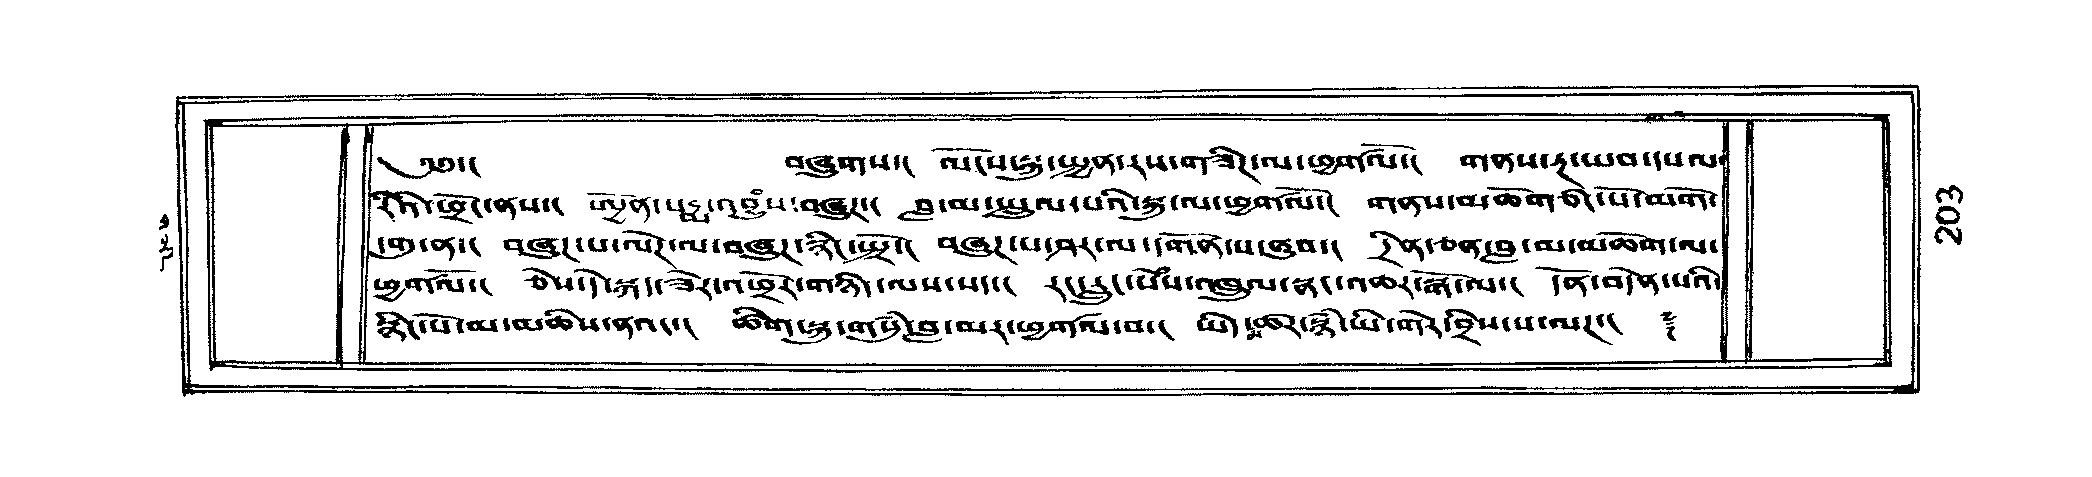བཞུགས། །ལོངས་སྐུ་སྤྱན་རས་གཟིགས་ལ་ཕྱག་འཚལ་ལོ། །གནས་རྔ་ཡབ་དཔལ་
རིའི་ཕོ་བྲང་ནས། །ཨོ་རྒྱན་པདྨ་འབྱུང་གནས་བཞུགས། །བླ་མ་སྤྲུལ་པའི་སྐུ་ལ་ཕྱག་འཚལ་ལོ། །གནས་མཆོག་གཙང་པོ་མགོ་
དགུ་ན། །བཞུགས་ས་ལེགས་ལ་བཞུགས་སྙིང་སྤྲོ། །བཞུགས་ས་ཤར་ལ་དགོན་པ་ནུབ། །དྲིན་ཅན་བླ་མ་མཆོག་ལ་
ཕྱག་འཚལ་ལོ། །ཞེས་དེ་སྐད་ཟེར་འཕྲོར་གཉིད་ལས་སད། །རང་རླུང་སེམས་འཁྲུལ་སྣང་འཆར་སྒོ་ལ། །དོན་བདེན་པའི་
སྙིང་པོ་མ་མཆིས་ནའང་། །ཚིག་སྐུ་གསུམ་བླ་མར་ཕྱག་འཚལ་བ། །ཡིད་མཚར་སྙམ་ཡི་གེར་བྲིས་པ་ལགས།། ༈